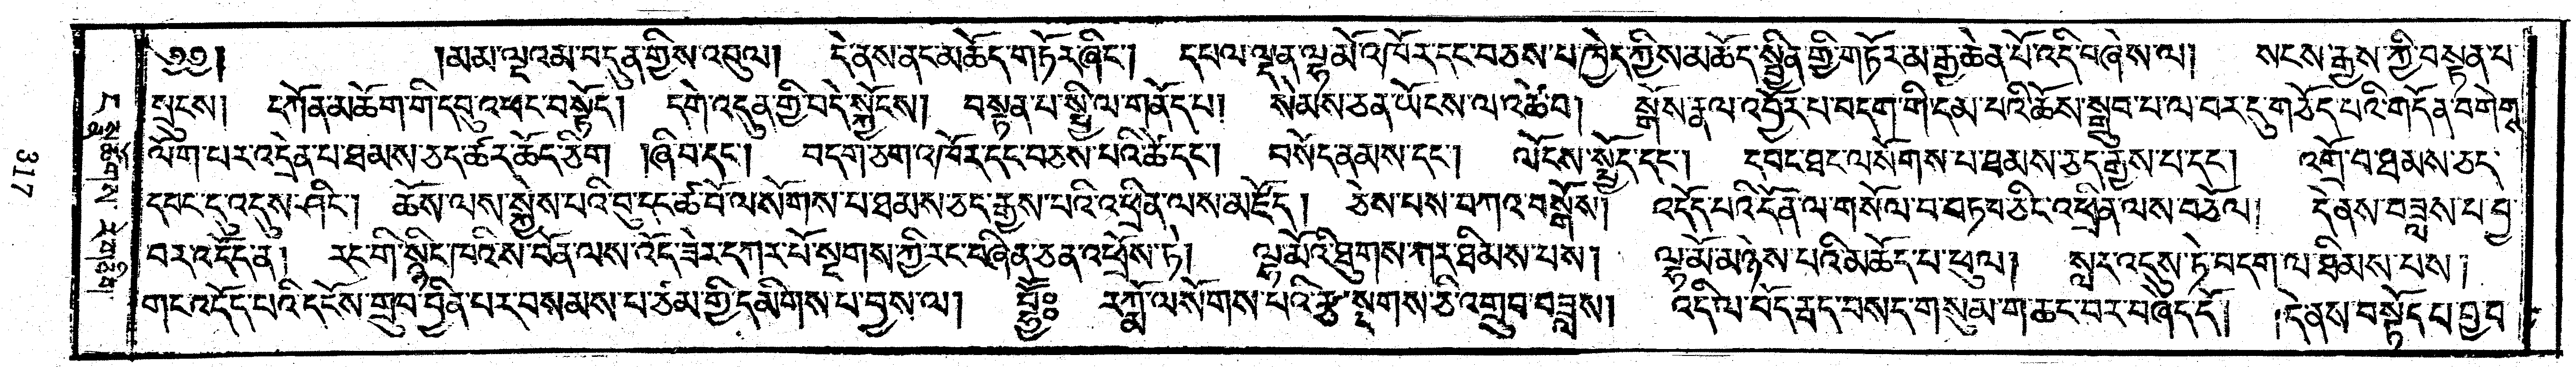༄༅། །མམ་ལྔའམ་བདུན་གྱིས་འབུལ། དེ་ནས་ནང་མཆོད་གཏོར་ཞིང་། དཔལ་ལྡན་ལྷ་མོ་འཁོར་དང་བཅས་པ་ཁྱེད་ཀྱིས་མཆོད་སྦྱིན་གྱི་གཏོར་མ་རྒྱ་ཆེན་པོ་འདི་བཞེས་ལ། སངས་རྒྱས་ཀྱི་བསྟན་པ་
སྲུངས། དཀོན་མཆོག་གི་དབུ་འཕང་བསྟོད། དགེ་འདུན་གྱི་བདེ་སྐྱོངས། བསྟན་པ་སྤྱི་ལ་གནོད་པ། སེམས་ཅན་ཡོངས་ལ་འཚེ་བ། སྒོས་རྣལ་འབྱོར་པ་བདག་གི་དམ་པའི་ཆོས་སྒྲུབ་པ་ལ་བར་དུ་གཅོད་པའི་གདོན་བགེགས་
ལོག་པར་འདྲེན་པ་ཐམས་ཅད་ཚར་ཆོད་ཅིག །ཞི་བ་དང་། བདག་ཅག་འཁོར་དང་བཅས་པའི་ཚེ་དང་། བསོད་ནམས་དང་། ལོངས་སྤྱོད་དང་། དབང་ཐང་ལ་སོགས་པ་ཐམས་ཅད་རྒྱས་པ་དང་། འགྲོ་བ་ཐམས་ཅད་
དབང་དུ་འདུས་ཤིང་། ཆོས་ལས་སྐྱེས་པའི་བུ་དང་ཚ་བོ་ལ་སོགས་པ་ཐམས་ཅད་རྒྱས་པའི་འཕྲིན་ལས་མཛོད། ཅེས་པས་བཀའ་བསྒོས། འདོད་པའི་དོན་ལ་གསོལ་བ་བཏབ་ཅིང་འཕྲིན་ལས་བཅོལ། དེ་ནས་བཟླས་པ་བྱ་
བར་འདོད་ན། རང་གི་སྙིང་ཁའི་ས་བོན་ལས་འོད་ཟེར་དཀར་པོ་སྔགས་ཀྱི་རང་བཞིན་ཅན་འཕྲོས་ཏེ། ལྷ་མོའི་ཐུགས་ཀར་ཐིམས་པས། ལྷ་མོ་མཉེས་པའི་མཆོད་པ་ཕུལ། སླར་འདུས་ཏེ་བདག་ལ་ཐིམས་པས།
གང་འདོད་པའི་དངོས་གྲུབ་བྱིན་པར་བསམས་པ་ཙམ་གྱི་དམིགས་པ་བྱས་ལ། བྷྱཽཿ རཀྨོ་ལ་སོགས་པའི་རྩ་སྔགས་ཅི་འགྲུབ་བཟླས། འདི་ལ་བོད་རྦད་བསད་གསུམ་ག་ཆང་བར་བཞེད་དོ། །དེ་ནས་བསྟོད་པ་བྱ་བ་